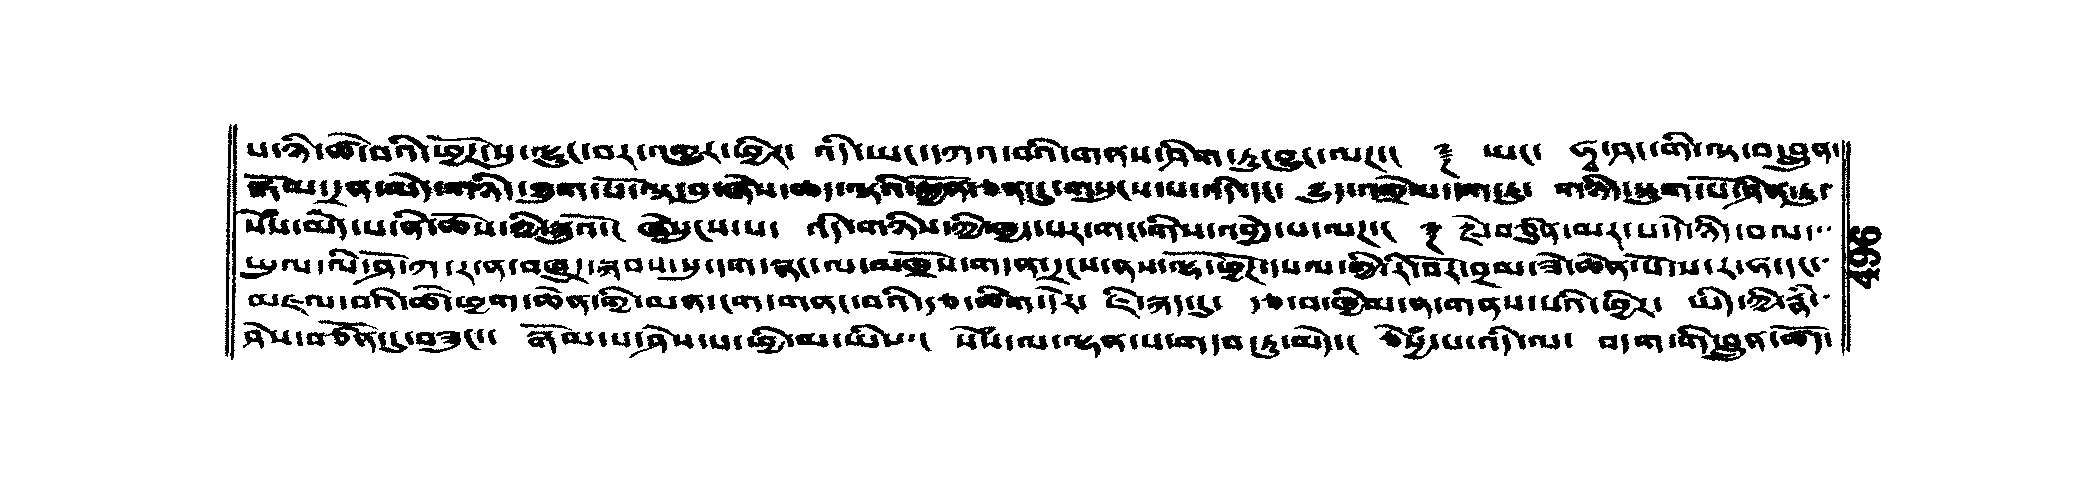པ་ཉི་ཚེ་བའི་ཕྱོགས་སུ་ལྷུང་བར་འགྱུར་ཕྱིར། འདི་ཡང་དཀའ་བའི་གནས་ཤིག་ཏུ་བྱུང་ལགས། ༈ ཡང་། ཧྭ་ཤང་གི་ལྟ་བ་བླུན་
སྒོམ་དྲན་མེད་གཉིད་ཐུག་པོ་ལྟ་བུ་ཞེས་ཆད་ལྟའི་སྐྱོན་ཅན་དུ་གསུངས་པ་འདི་དང་། རྒྱུད་འགྲེལ་དག་ཏུ། གཉིད་སྟུག་པོ་ཤིན་ཏུ་
སེམས་མེད་པ་ནི་ཆོས་ཀྱི་སྐུའོ། ཞེས་གསུངས་པ། འདི་གཉིས་ཀྱི་ཁྱད་པར་གང་གིས་འབྱེད་པ་ལགས། ༈ རྗེ་བཙུན་མར་པ་དེ་ཉིད་བལ་
ཡུལ་ལི་ཤོ་ཀ་ར་ན་བཞུགས་སྐབས་སུ་དག་སྣང་ལ་མཁའ་འགྲོས་གདན་དྲངས་ནས་ལྷོ་ཕྱོགས་དཔལ་གྱི་རི་བོར་བྲམ་ཟེ་ཆེན་པོ་ས་ར་ཧ་དང་
མཇལ་པའི་ཚེ་ཕྱག་ཆེན་གྱི་མན་ངག་གནང་བའི་རྩ་ཚིག་དེར། ཇི་སྐད་དུ། རྩ་བ་ཁྱིམ་ན་གནས་པའི་ཕྱིར། ཡིད་ཀྱི་རྣམ་
ཤེས་བཙོན་དུ་བཟུང་། །སྒོམ་པ་ཤེས་པ་ཕྱི་མ་ཡིས། །སེམས་ལ་ལྷན་པ་གདབ་ཏུ་མེད། ཅེས་གསུངས་པ་འདི་ལ། བདག་གི་བླུན་ཚོད་